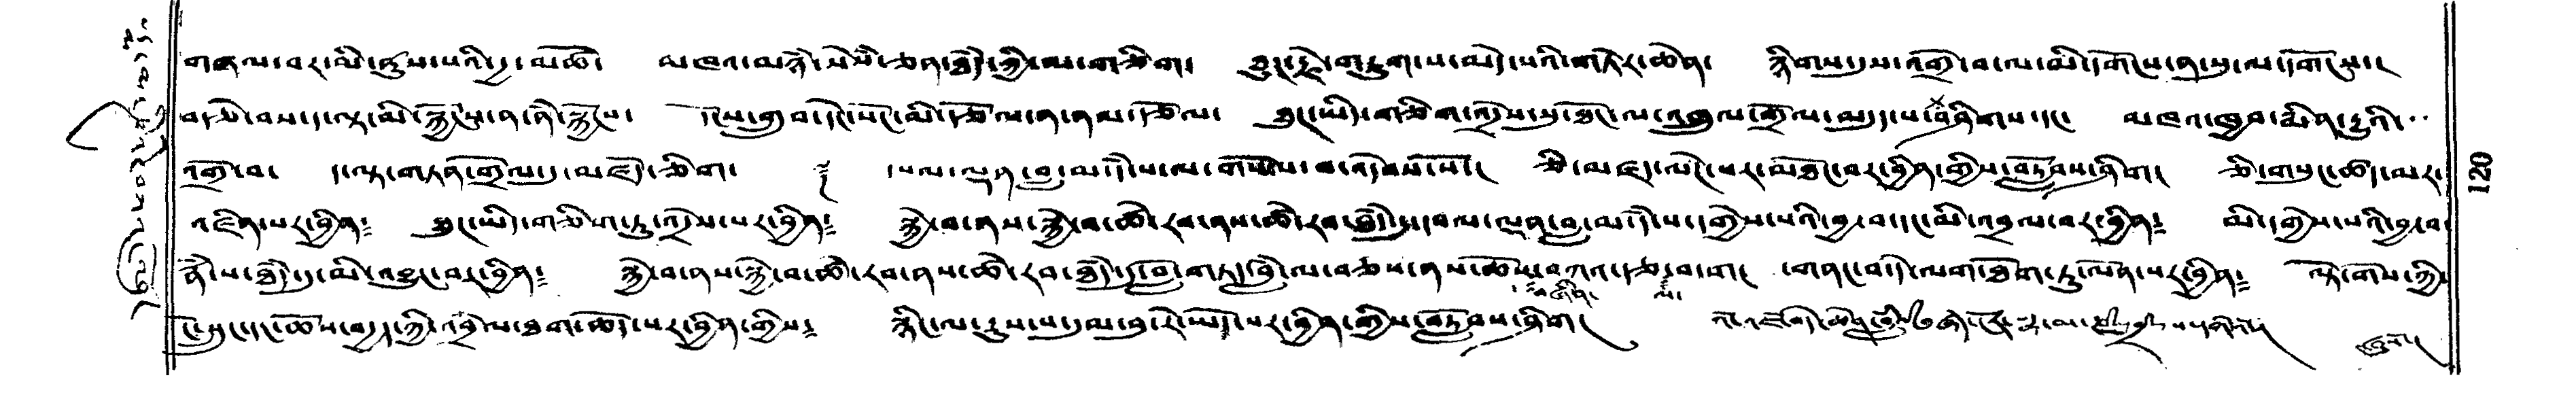གཞལ་བར་མི་ནུས་པའི་རྒྱ་མཚོ། །མཁའ་མཉམ་སེམས་ཅན་ཐམས་ཅད་ཀྱི་མ་གཅིག །ཐུགས་རྗེ་གཏུགས་པ་མེད་པའི་གཏེར་ཆེན། །སྙིགས་དུས་འགྲོ་བ་ལ་མི་དགོངས་ན་སུ་ལ་དགོངས། །
བརྩེ་བས་ད་ལྟ་མི་སྐྱོང་ན་ནམ་སྐྱོང་། །དངོས་གྲུབ་དེང་སང་མི་སྩོལ་ན་ནམ་སྩོལ། །ཐུགས་ཡིད་གཅིག་འདྲེས་སུ་ཐོང་ལ་འཁྲུལ་གྲོལ་མདུད་པ་ཤིགས་དང་། །མཁའ་ཁྱབ་སྨིན་རྒྱུའི་
འགྲོ་བ། །ད་ལྟ་གཏན་གྲོལ་དུ་མཛོད་ཅིག ༈ དཔལ་ལྡན་བླ་མ་དམ་པ་ལ་གསོལ་བ་འདེབས་སོ། །ཅི་མཛད་ལེགས་པར་མཐོང་བར་བྱིན་གྱིས་རློབས་ཤིག །ཅི་གསུངས་ཚད་མར་
འཛིན་པར་བྱིན༴ ཐུགས་ཡིད་གཅིག་ཏུ་འདྲེས་པར་བྱིན༴ སྐྱེ་བ་ནས་སྐྱེ་བ་ཚེ་རབས་ནས་ཚེ་རབས་ཐམས་ཅད་དུ་དཔལ་ལྡན་བླ་མ་དམ་པ་དགྱེས་པའི་བྱ་བ་དང་མི་འབྲལ་བར་བྱིན༴ མི་དགྱེས་པའི་བྱ་བ་
རྣམ་པ་ཐམས་ཅད་དུ་མི་འབྱུང་བར་བྱིན༴ སྐྱེ་བ་ནས་སྐྱེ་བ་ཚེ་རབས་ཐམས་ཅད་དུ་བློ་གཏད་བླ་མ་ལ་བཅོལ་ནས་ཆོས་བཞིན་བཀའ་བསྩལ་གང་ གནང་བ་དེ་ལག་ཐོག་ཏུ་ལོན་པར་བྱིན༴ ལྟོ་གོས་ཀྱི་
ངོ་སྲུང་དང་ཆོས་བརྒྱད་ཀྱི་འབྲེལ་ཐག་ཆོད་པར་བྱིན་གྱིས༴ སྙིང་ལ་རུས་པ་དུམ་བུ་རེ་ཡོད་པར་བྱིན་གྱིས་རློབས་ཤིག གོ་འཇོ་བདེ་ཆེན་བླ་མའི་བཞེད་ངོར་པདྨ་ཎིས་བྲིས་པ་དགེའོ། ཞུས་སོ།།